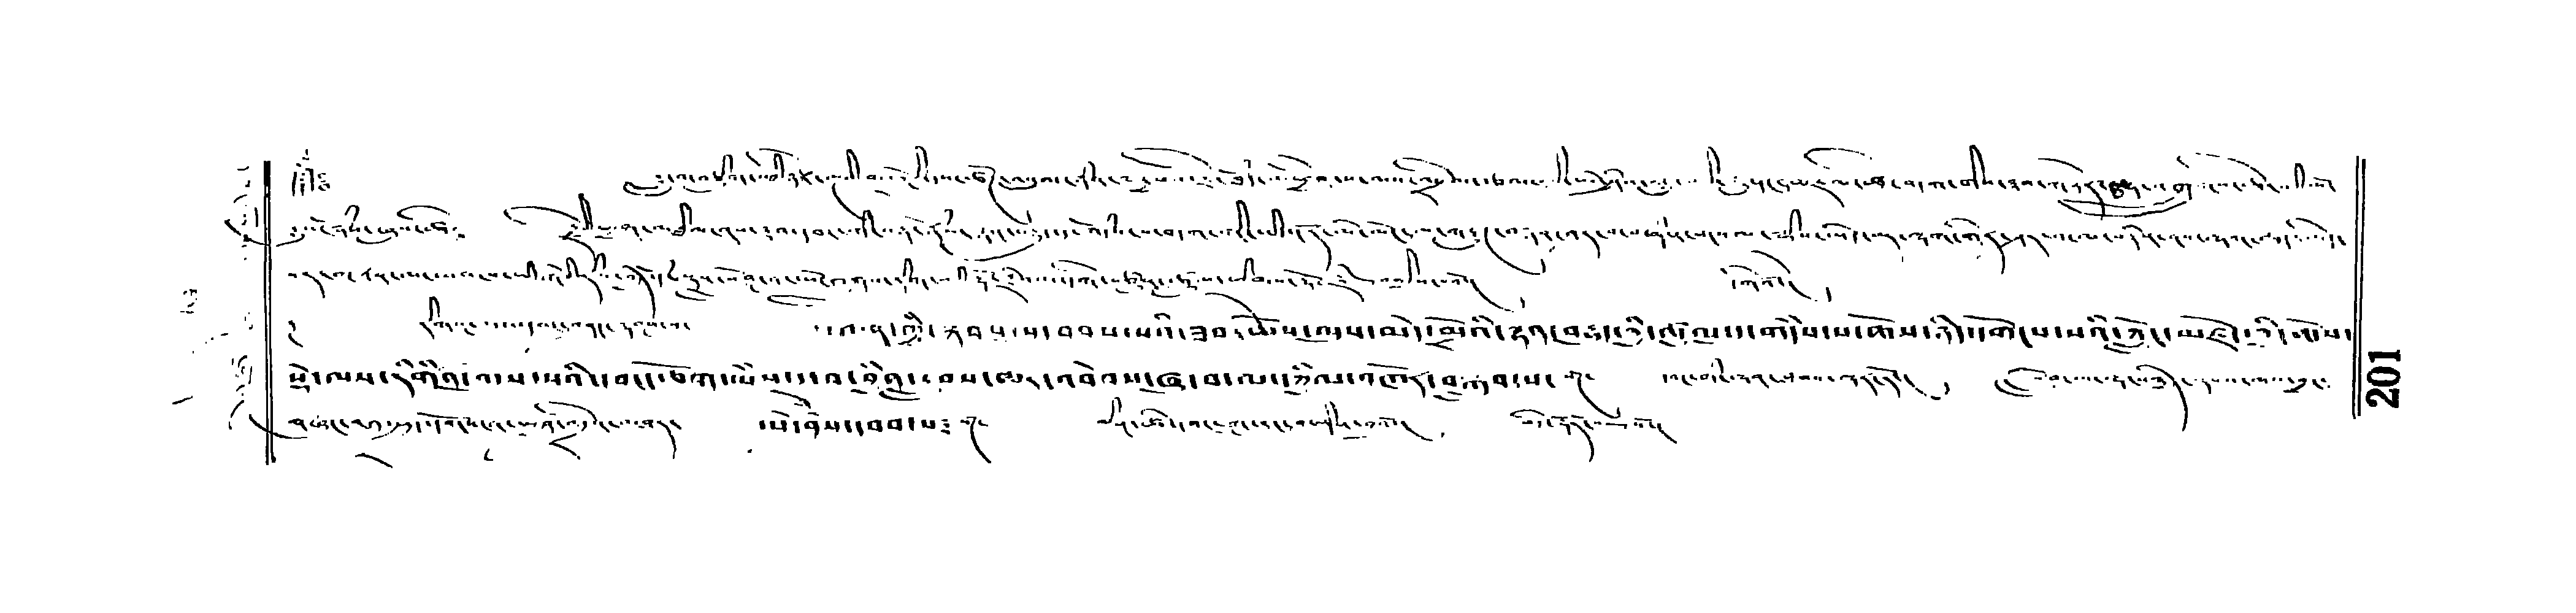ཟླ་བ་བཅུ་གཅིག་པའི་ཚེས་ཉེར་ལྔའི་མཁའ་འགྲོའི་དུས་ཚོགས་འབུལ་ཉིན་སྐྱབས་རྗེ་ཐམས་ཅད་མཁྱེན་པ་ལས་འབྲེལ་རྩལ་གྱི་ཡེ་ཤེས་ཀྱི་སྐུ་ཡིས་སྐུ་དང་མཇལ་ཚེ་བདག་གིས་ཟབ་གཏེར་འཁྲུགས་ཆེ་བའི་ལོ་
རྒྱུས་རྣམསཞུས་ཚེ༔ རྗེའི་ཕྱག་མཐིལ་ནས་ཟབ་དབང་གི་བརྡ་རྣམས་སྙན་བརྒྱུད་དུ་གདམས་པ་བདག་གི་ཡིད་ངོར་མེ་ལོང་ལ་གཟུགས་བརྙན་ཤར་བ་བཞིན་གསལ་སྒྲིབ་མེད་པར་ལྷག་གེར་ཤར་བ་ལ་བརྟེན་ནས་ལྷག་ཆད་མེད་
པར་གཏན་ལ་ཕབ་པ་ཡི་གེའི་རིག་བྱེད་དམ་ལྡན་སློབ་མ་ཡོངས་གྲུབ་རིག་པའི་རྡོ་རྗེ་དང་དགེ་བཙུན་ཚུལ་ཁྲིམས་རྡོ་རྗེས་བགྱིས་པའོ།། མངྒ་ལམ།། 
༈ རིགས་འདུས་དབང་བཤད་སྐབས་སུ། ད་ལན་གྱི་སྐབས་སུ་བབས་པའི་ཟབ་ཆོས་ལུས་མེད་མཁའ་འགྲོའི་སྙན་བརྒྱུད་ཀྱི་ཚུལ་དུ་གདམས་པ་ཆོས་ཉིད་དགོངས་པའི་ཀློང་མཛོད་ཀྱི་ཆོས་
སྡེ་ལས་རིག་འཛིན་འདུས་པའི་དབང་ཆོག་ཡེ་ཤེས་དྲྭ་བ་བྱིན་རླབས་ཆར་འབེབས་ཞུ་བ་ལ་དཀྱིལ་འཁོར་བསྒྲུབ་པ་སོགས། དབང་གི་ལྷན་ཐབས་ལྟར་རོ། སློབ་མ་ལྷ་བསྐྱེད་སྐབས་ལས་བྱང་
གཞུང་ནས་སྤྲད་དགོས་ན་སྤྱན་འདྲེན་མཐར། ཡེ་ཤེས་དབབ་པ༴ སོགས། མིན་ཚེ་དབང་གཞུང་བཞིན་བྱའོ། བདེ་རྡོར་པས་སོ།།